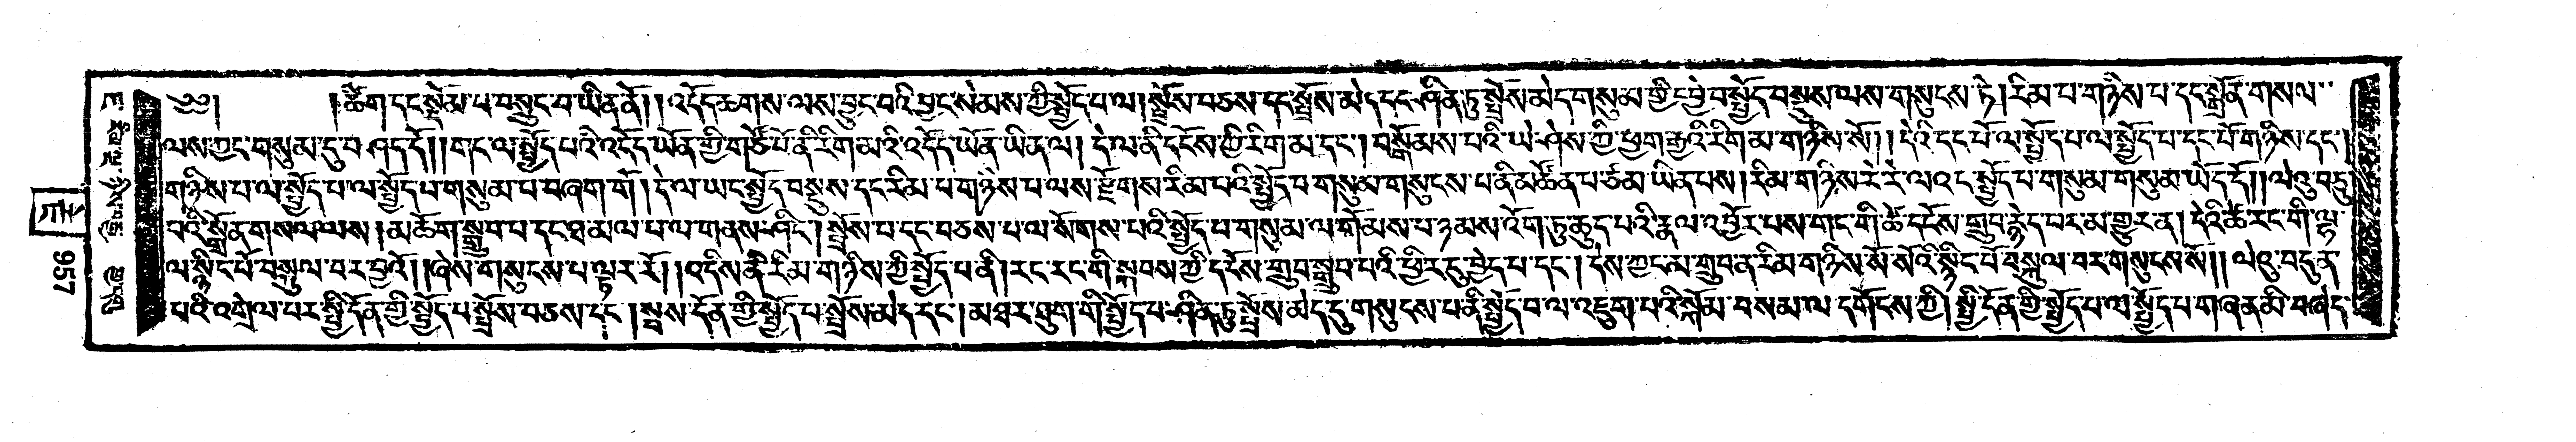༄༅། །ཚིག་དང་སྡོམ་པ་བསྲུང་བ་ཡིན་ནོ། །འདོད་ཆགས་ལས་བྱུང་བའི་བྱང་སེམས་ཀྱི་སྤྱོད་པ་ལ། སྤྲོས་བཅས་དང་སྤྲོས་མེད་དང་ཤིན་ཏུ་སྤྲོས་མེད་གསུམ་གྱི་དབྱེ་བ་སྤྱོད་བསྡུས་ལས་གསུངས་ཏེ། རིམ་པ་གཉིས་པ་དང་སྒྲོན་གསལ་
ལས་ཀྱང་གསུམ་དུ་བཤད་དོ། །གང་ལ་སྤྱོད་པའི་འདོད་ཡོན་གྱི་གཙོ་བོ་ནི་རིག་མའི་འདོད་ཡོན་ཡིན་ལ། དེ་ལ་ནི་དངོས་ཀྱི་རིག་མ་དང་། བསྒོམས་པའི་ཡེ་ཤེས་ཀྱི་ཕྱག་རྒྱའི་རིག་མ་གཉིས་སོ། །དེའི་དང་པོ་ལ་སྤྱོད་པ་ལ་སྤྱོད་པ་དང་པོ་གཉིས་དང་།
གཉིས་པ་ལ་སྤྱོད་པ་ལ་སྤྱོད་པ་གསུམ་པ་བཞག་གོ །དེ་ལ་ཡང་སྤྱོད་བསྡུས་དང་རིམ་པ་གཉིས་པ་ལས་རྫོགས་རིམ་པའི་སྤྱོད་པ་གསུམ་གསུངས་པ་ནི་མཚོན་པ་ཙམ་ཡིན་པས། རིམ་གཉིས་རེ་རེ་ལའང་སྤྱོད་པ་གསུམ་གསུམ་ཡོད་དོ། །ལེའུ་བཅུ་
པའི་སྒྲོན་གསལ་ལས། མཆོག་སྒྲུབ་པ་དང་ཐ་མལ་བ་ལ་གནས་ཤིང་། སྤྲོས་པ་དང་བཅས་པ་ལ་སོགས་པའི་སྤྱོད་པ་གསུམ་ལ་གོམས་པ་ཉམས་འོག་ཏུ་ཆུད་པའི་རྣལ་འབྱོར་པས་གང་གི་ཚེ་དངོས་གྲུབ་རྙེད་པར་མ་གྱུར་ན། དེའི་ཚེ་རང་གི་ལྷ་
ལ་སྙིང་པོ་བསྐུལ་བར་བྱའོ། །ཞེས་གསུངས་པ་ལྟར་རོ། །འདིས་ནི་རིམ་གཉིས་ཀྱི་སྤྱོད་པ་ནི། རང་རང་གི་སྐབས་ཀྱི་དངོས་གྲུབ་སྒྲུབ་པའི་ཕྱིར་དུ་བྱེད་པ་དང་། དེས་ཀྱང་མ་གྲུབ་ན་རིམ་གཉིས་སོ་སོའི་སྙིང་པོ་བསྐུལ་བར་གསུངས་སོ། །ལེའུ་བདུན་
པའི་འགྲེལ་པར་སྤྱི་དོན་གྱི་སྤྱོད་པ་སྤྲོས་བཅས་དང་། སྤས་དོན་གྱི་སྤྱོད་པ་སྤྲོས་མེད་དང་། མཐར་ཐུག་གི་སྤྱོད་པ་ཤིན་ཏུ་སྤྲོས་མེད་དུ་གསུངས་པ་ནི་སྤྱོད་པ་ལ་འཇུག་པའི་སྐོམ་བསམ་ལ་དགོངས་ཀྱི། སྤྱི་དོན་གྱི་སྤྱོད་པ་ལ་སྤྱོད་པ་གཞན་མི་བཞེད་